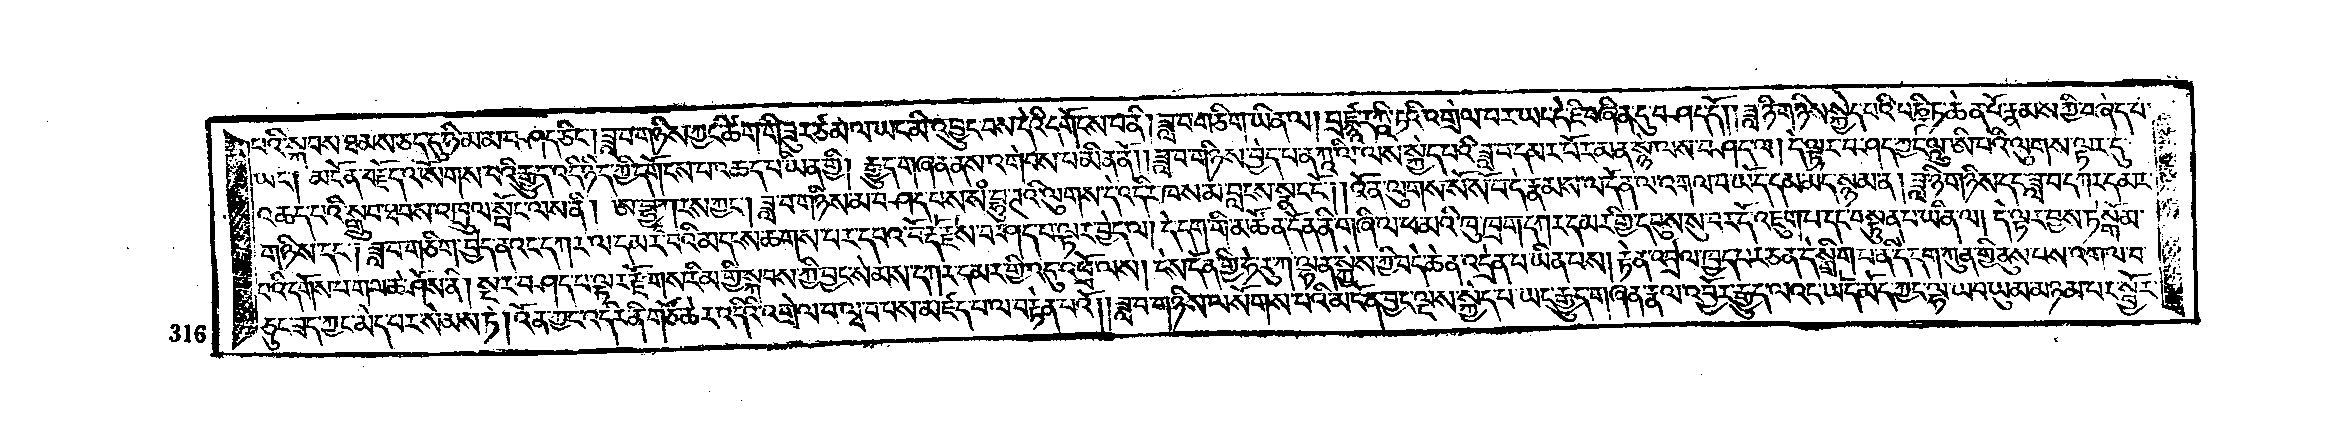པའི་སྐབས་ཐམས་ཅད་དུ་ཉི་མ་མ་བཤད་ཅིང་། ཟླ་བ་གཉིས་ཀྱང་ཚིག་གི་ཟུར་ཙམ་ལ་ཡང་མི་འབྱུང་བས་དེའི་དགོངས་པ་ནི། ཟླ་བ་གཅིག་ཡིན་ལ། པྲཛྙཱ་རཀྵི་ཏའི་འགྲེལ་པར་ཡང་དེ་ཇི་བཞིན་དུ་བཤད་དོ། །ཟླ་ཉི་གཉིས་སྐྱེད་པའི་པཎྜི་ཏ་ཆེན་པོ་རྣམས་ཀྱི་བཞེད་པ་
ཡང་། མངོན་བརྗོད་ལ་སོགས་པའི་རྒྱུད་འདི་ཉིད་ཀྱི་དགོངས་པ་འཆད་པ་ཡིན་གྱི། རྒྱུད་གཞན་ནས་འགེབས་པ་མིན་ནོ། །ཟླ་བ་གཉིས་བྱེད་པ་ན་ཀཱ་ལི་ལས་སྐྱེད་པའི་ཟླ་བ་དམར་པོར་མན་སྙེ་ལས་བཤད་ལ། དེ་ལྟར་བཤད་ཀྱང་ལཱུ་ཨི་པའི་ལུགས་ལྟར་དུ་
འཆད་པའི་སྒྲུབ་ཐབས་འཁྲུལ་སྤོང་ལས་ནི། ཨ་བྷྱ་ཀ་རས་ཀྱང་། ཟླ་བ་གཉིས་མ་བཤད་པས་སཾ་བྷུ་ཊའི་ལུགས་དེ་འདིར་ཁས་མ་བླངས་སྣང་ངོ། །འོ་ན་ལུགས་སོ་སོ་བ་དེ་རྣམས་ལ་དོན་ལ་འགལ་བ་ཡོད་དམ་མེད་སྙམ་ན། ཟླ་ཉི་གཉིས་དང་ཟླ་བ་དཀར་དམར་
གཉིས་དང་། ཟླ་བ་གཅིག་བྱེད་ནའང་དཀར་ལ་དམར་བའི་མདངས་ཆགས་པར་དཔའ་བོ་རྡོ་རྗེས་བཤད་པ་ལྟར་བྱེད་ལ། དེ་དག་གི་མཚོན་དོན་ནི་གཞི་ལ་ཕ་མའི་ཁུ་ཁྲག་དཀར་དམར་གྱི་དབུས་སུ་བར་དོ་འཇུག་པ་དང་བསྟུན་པ་ཡིན་ལ། དེ་ལྟར་བྱས་ཏེ་སྒོམ་
པའི་དགོས་པ་གལ་ཆེ་ཤོས་ནི། སྔར་བཤད་པ་ལྟར་རྫོགས་རིམ་གྱི་སྐབས་ཀྱི་བྱང་སེམས་དཀར་དམར་གྱི་འདུ་འཕྲོ་ལས། ངེས་དོན་གྱི་ཧེ་རུ་ཀ་ལྷན་སྐྱེས་ཀྱི་བདེ་ཆེན་འདྲེན་པ་ཡིན་པས། རྟེན་འབྲེལ་ཁྱད་པར་ཅན་དེ་སྒྲིག་པ་ནི་དེ་དག་ཀུན་གྱི་ནུས་པས་འགལ་བ་
ཅུང་ཟད་ཀྱང་མེད་པར་སེམས་ཏེ། འོན་ཀྱང་འདིར་ནི་གཙོ་ཆེར་འདིའི་འགྲེལ་པ་ལྭ་བ་པས་མཛད་པ་ལ་བརྟེན་པའོ། །ཟླ་བ་གཉིས་ལ་སོགས་པའི་མངོན་བྱང་ལྔས་སྐྱེད་པ་ཡང་རྒྱུད་གཞན་རྣལ་འབྱོར་རྒྱུད་ལའང་ཡོད་མོད་ཀྱང་ལྷ་ཡབ་ཡུམ་མཉམ་པར་སྦྱོར་